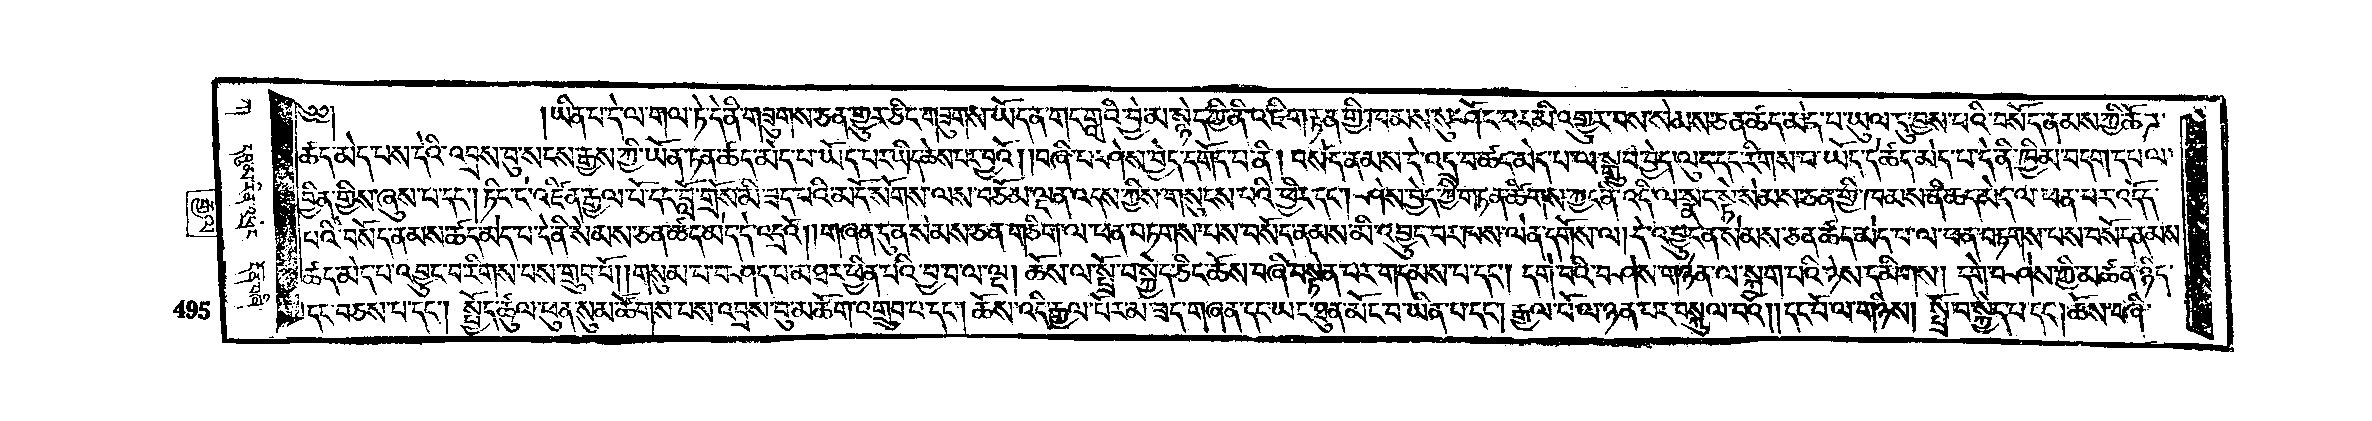༄༅། །ཡིན་པ་དེ་ལ་གལ་ཏེ་དེ་ནི་གཟུགས་ཅན་གྱུར་ཅིང་གཟུགས་ཡོད་ན་གང་གླའི་བྱེ་མ་སྙེད་ཀྱི་ནི་འཇིག་རྟན་གྱི་ཁམས་སུ་ཤོད་པར་མི་འགྱུར་བས་སེམས་ཅན་ཚད་མེད་པ་ཡུལ་དུ་བྱས་པའི་བསོད་ནམས་ཀྱི་ཚོགས་
ཚད་མེད་པས་དེའི་འབྲས་བུ་སངས་རྒྱས་ཀྱི་ཡོན་ཏན་ཚད་མེད་པ་ཡོད་པར་ཡིད་ཆེས་པར་བྱའོ། །བཞི་པ་ཤེས་བྱེད་དགོད་པ་ནི། བསོད་ནམས་དེ་འདྲ་བ་ཚད་མེད་པ་ལ་སྒྲུབ་བྱེད་ལུང་དང་རིགས་པ་ཡོད་དེ་ཚེད་མེད་པ་དེ་ནི་ཁྱིམ་བདག་དཔལ་
བྱིན་གྱིས་ཞུས་པ་དང་། ཏིང་ངེ་འཛིན་རྒྱལ་པོ་དང་བློ་གྲོས་མི་ཟད་པའི་མདོ་སོགས་ལས་བཅོམ་ལྡན་འདས་ཀྱིས་གསུངས་པའི་ཕྱིར་དང་། ཤེས་བྱེད་ཀྱི་གཏན་ཚིགས་ཀྱང་ནི་འདི་ལ་སྣང་སྟེ་སེམས་ཅན་གྱི་ཁམས་ནི་ཆད་མེད་ལ་ཕན་པར་འདོད་
པའི་བསོད་ནམས་ཚད་མེད་པ་དེ་ནི་སེམས་ཅན་ཚད་མེད་དེ་འདྲའོ། །གཞན་དུ་ན་སེམས་ཅན་གཅིག་ལ་ཕན་བཏགས་པས་བསོད་ནམས་མི་འབྱུང་བར་ཁས་ལེན་དགོས་ལ། དེ་འབྱུང་ན་སེམས་ཅན་ཚད་མེད་པ་ལ་ཕན་བཏགས་པས་བསོད་ནམས་
ཚད་མེད་པ་འབྱུང་བ་རིགས་པས་གྲུབ་བོ། །གསུམ་པ་བཤད་པ་མཐར་ཕྱིན་པའི་བྱ་བ་ལ་ལྔ། ཆོས་ལ་སྤྲོ་བ་སྐྱེད་ཅིང་ཆོས་བཞི་བསྟེན་པར་གདམས་པ་དང་། དགེ་བའི་བཤེས་གཉེན་ལ་སྐྲག་པའི་ཉེས་དམིགས། དགེ་བ་ཤེས་ཀྱི་མཚན་ཉིད་
དང་བཅས་པ་དང་། སྤྱོད་ཚུལ་ཕུན་སུམ་ཚོགས་པས་འབྲས་བུ་མཆོག་འགྲུབ་པ་དང་། ཆོས་འདི་རྒྱལ་པོར་མ་ཟད་གཞན་དང་ཡང་ཐུན་མོང་བ་ཡིན་པ་དང་། རྒྱལ་པོ་ལ་ཉན་པར་བསྐུལ་བའོ། །དང་པོ་ལ་གཉིས། སྤྲོ་བ་སྐྱེད་པ་དང་། ཆོས་བཞི་